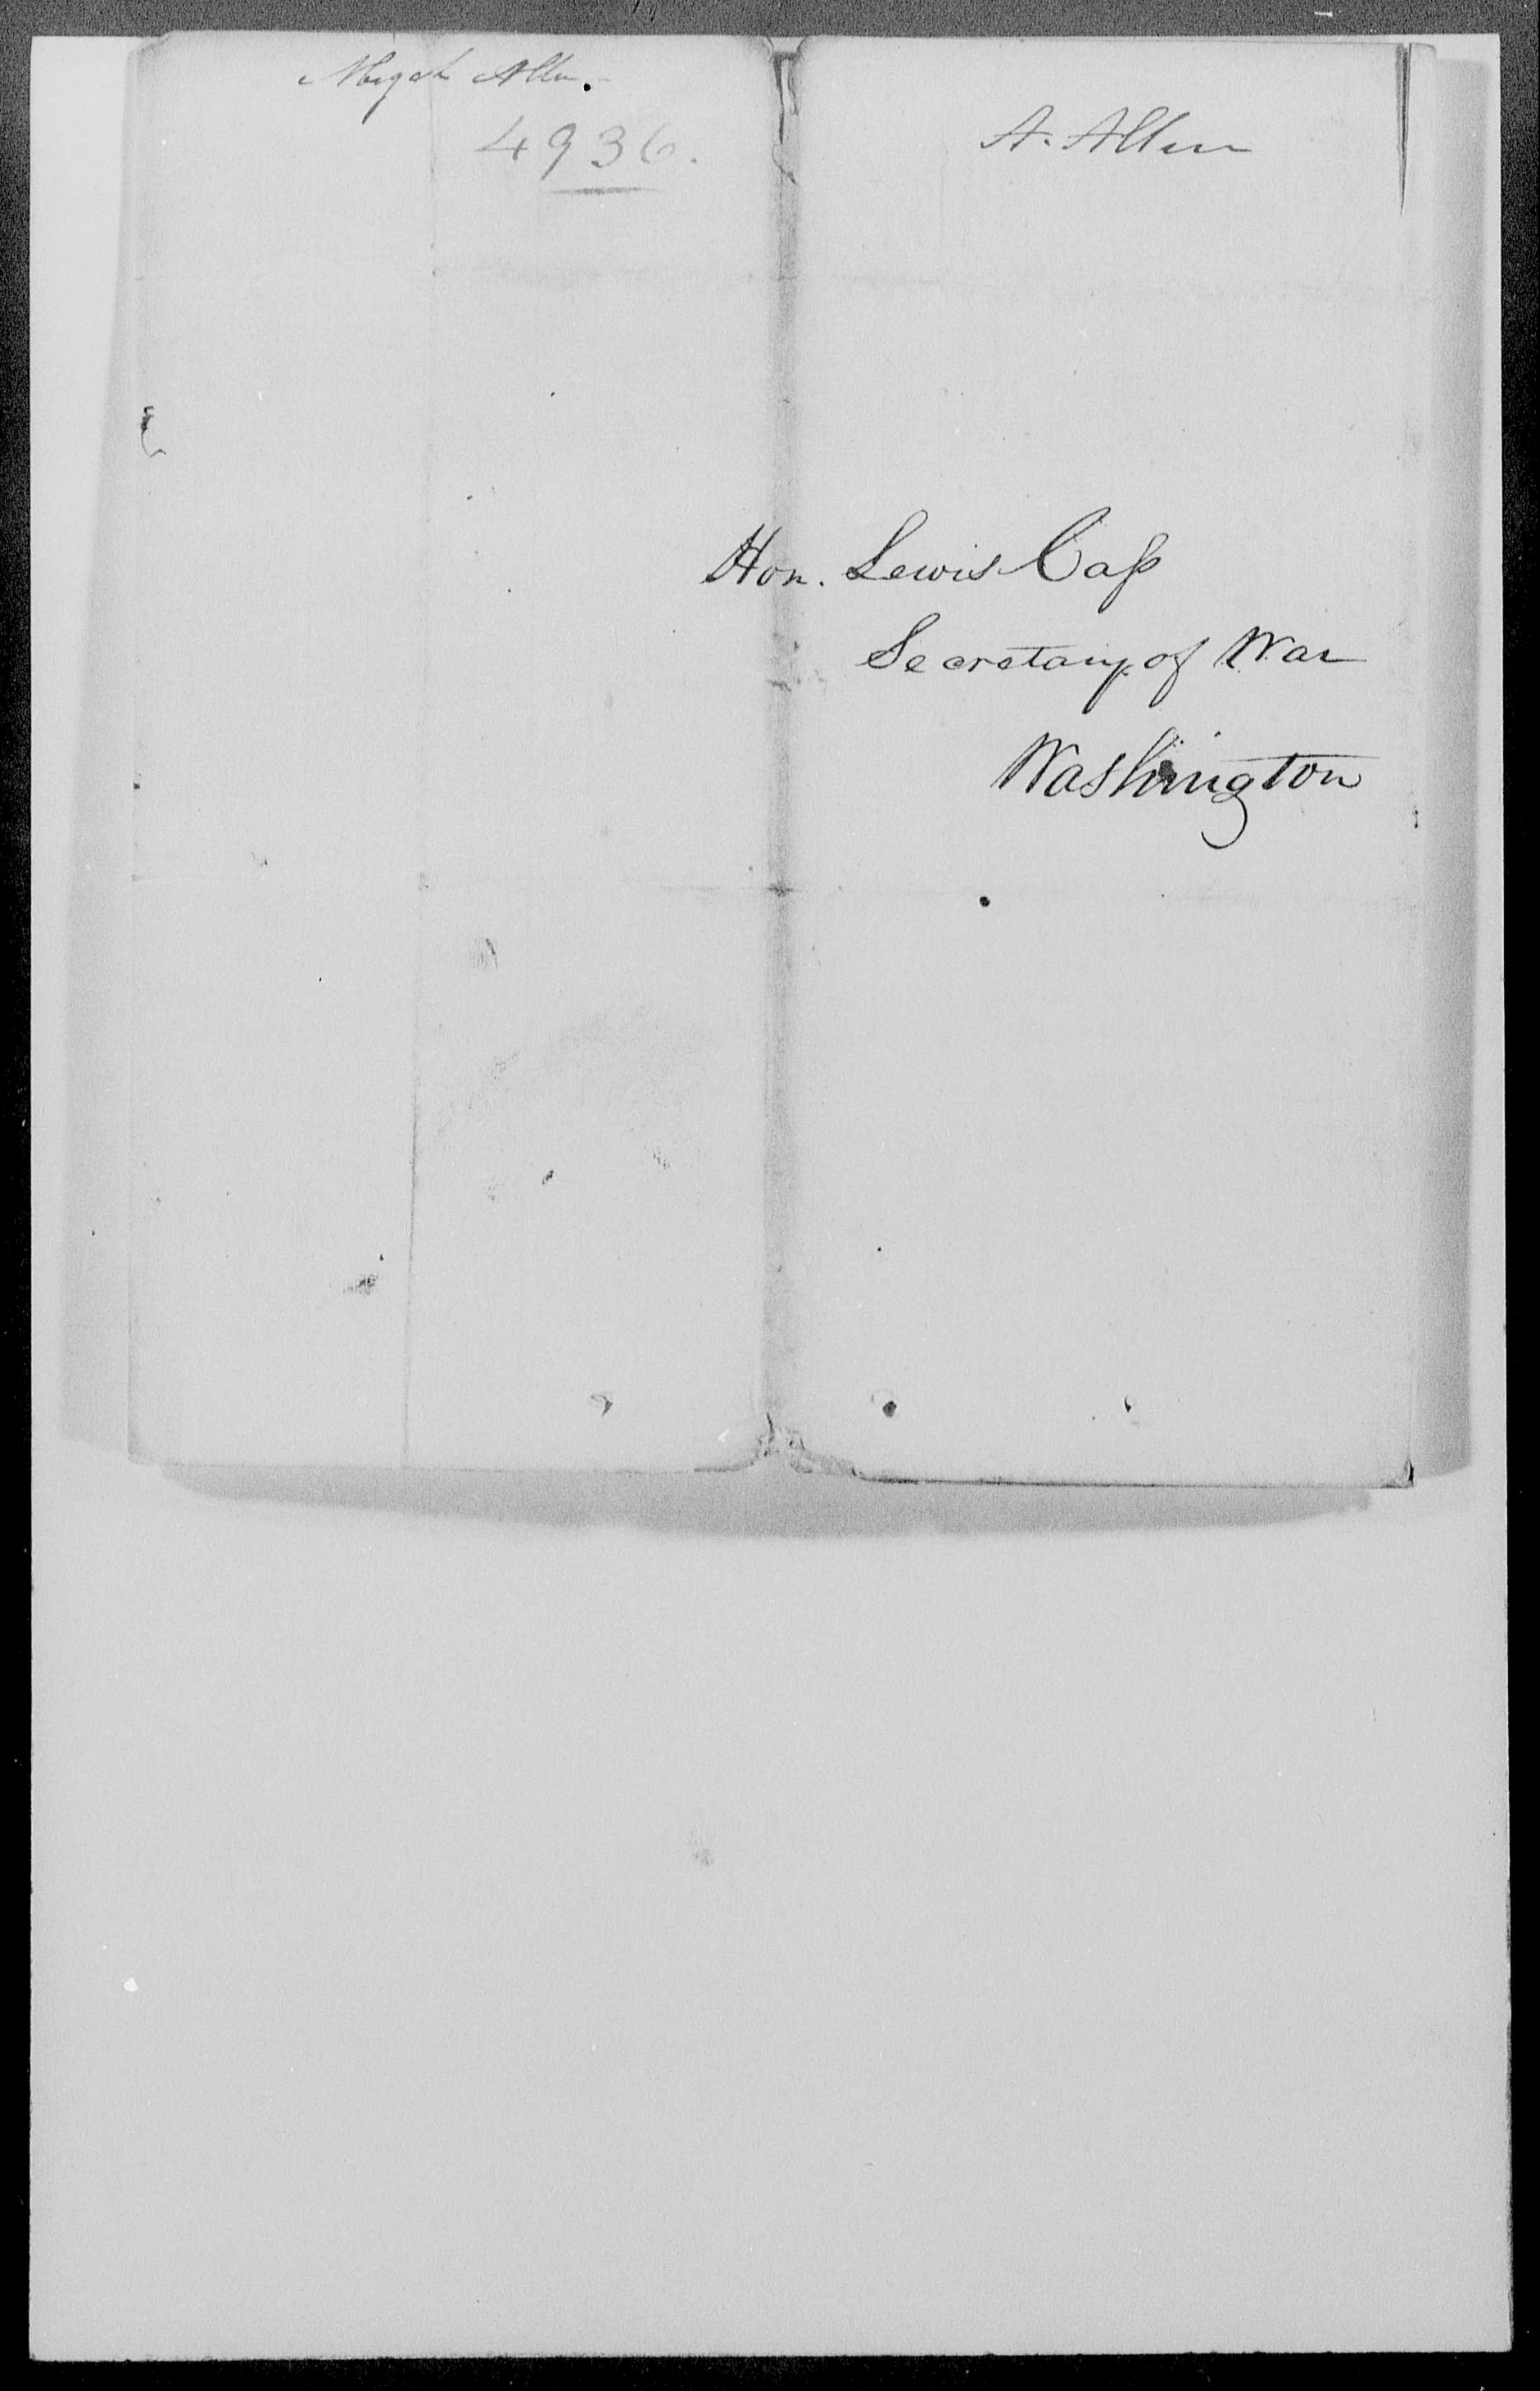Abijah Allen 
4936. 
A. Allen 

Hon. Lewis Cap 
Secretary of War
Washington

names: A Allen, Abijah Allen, Lewis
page: 16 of 21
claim: survivor's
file: S. 15356, Abijah Allen, Mass.